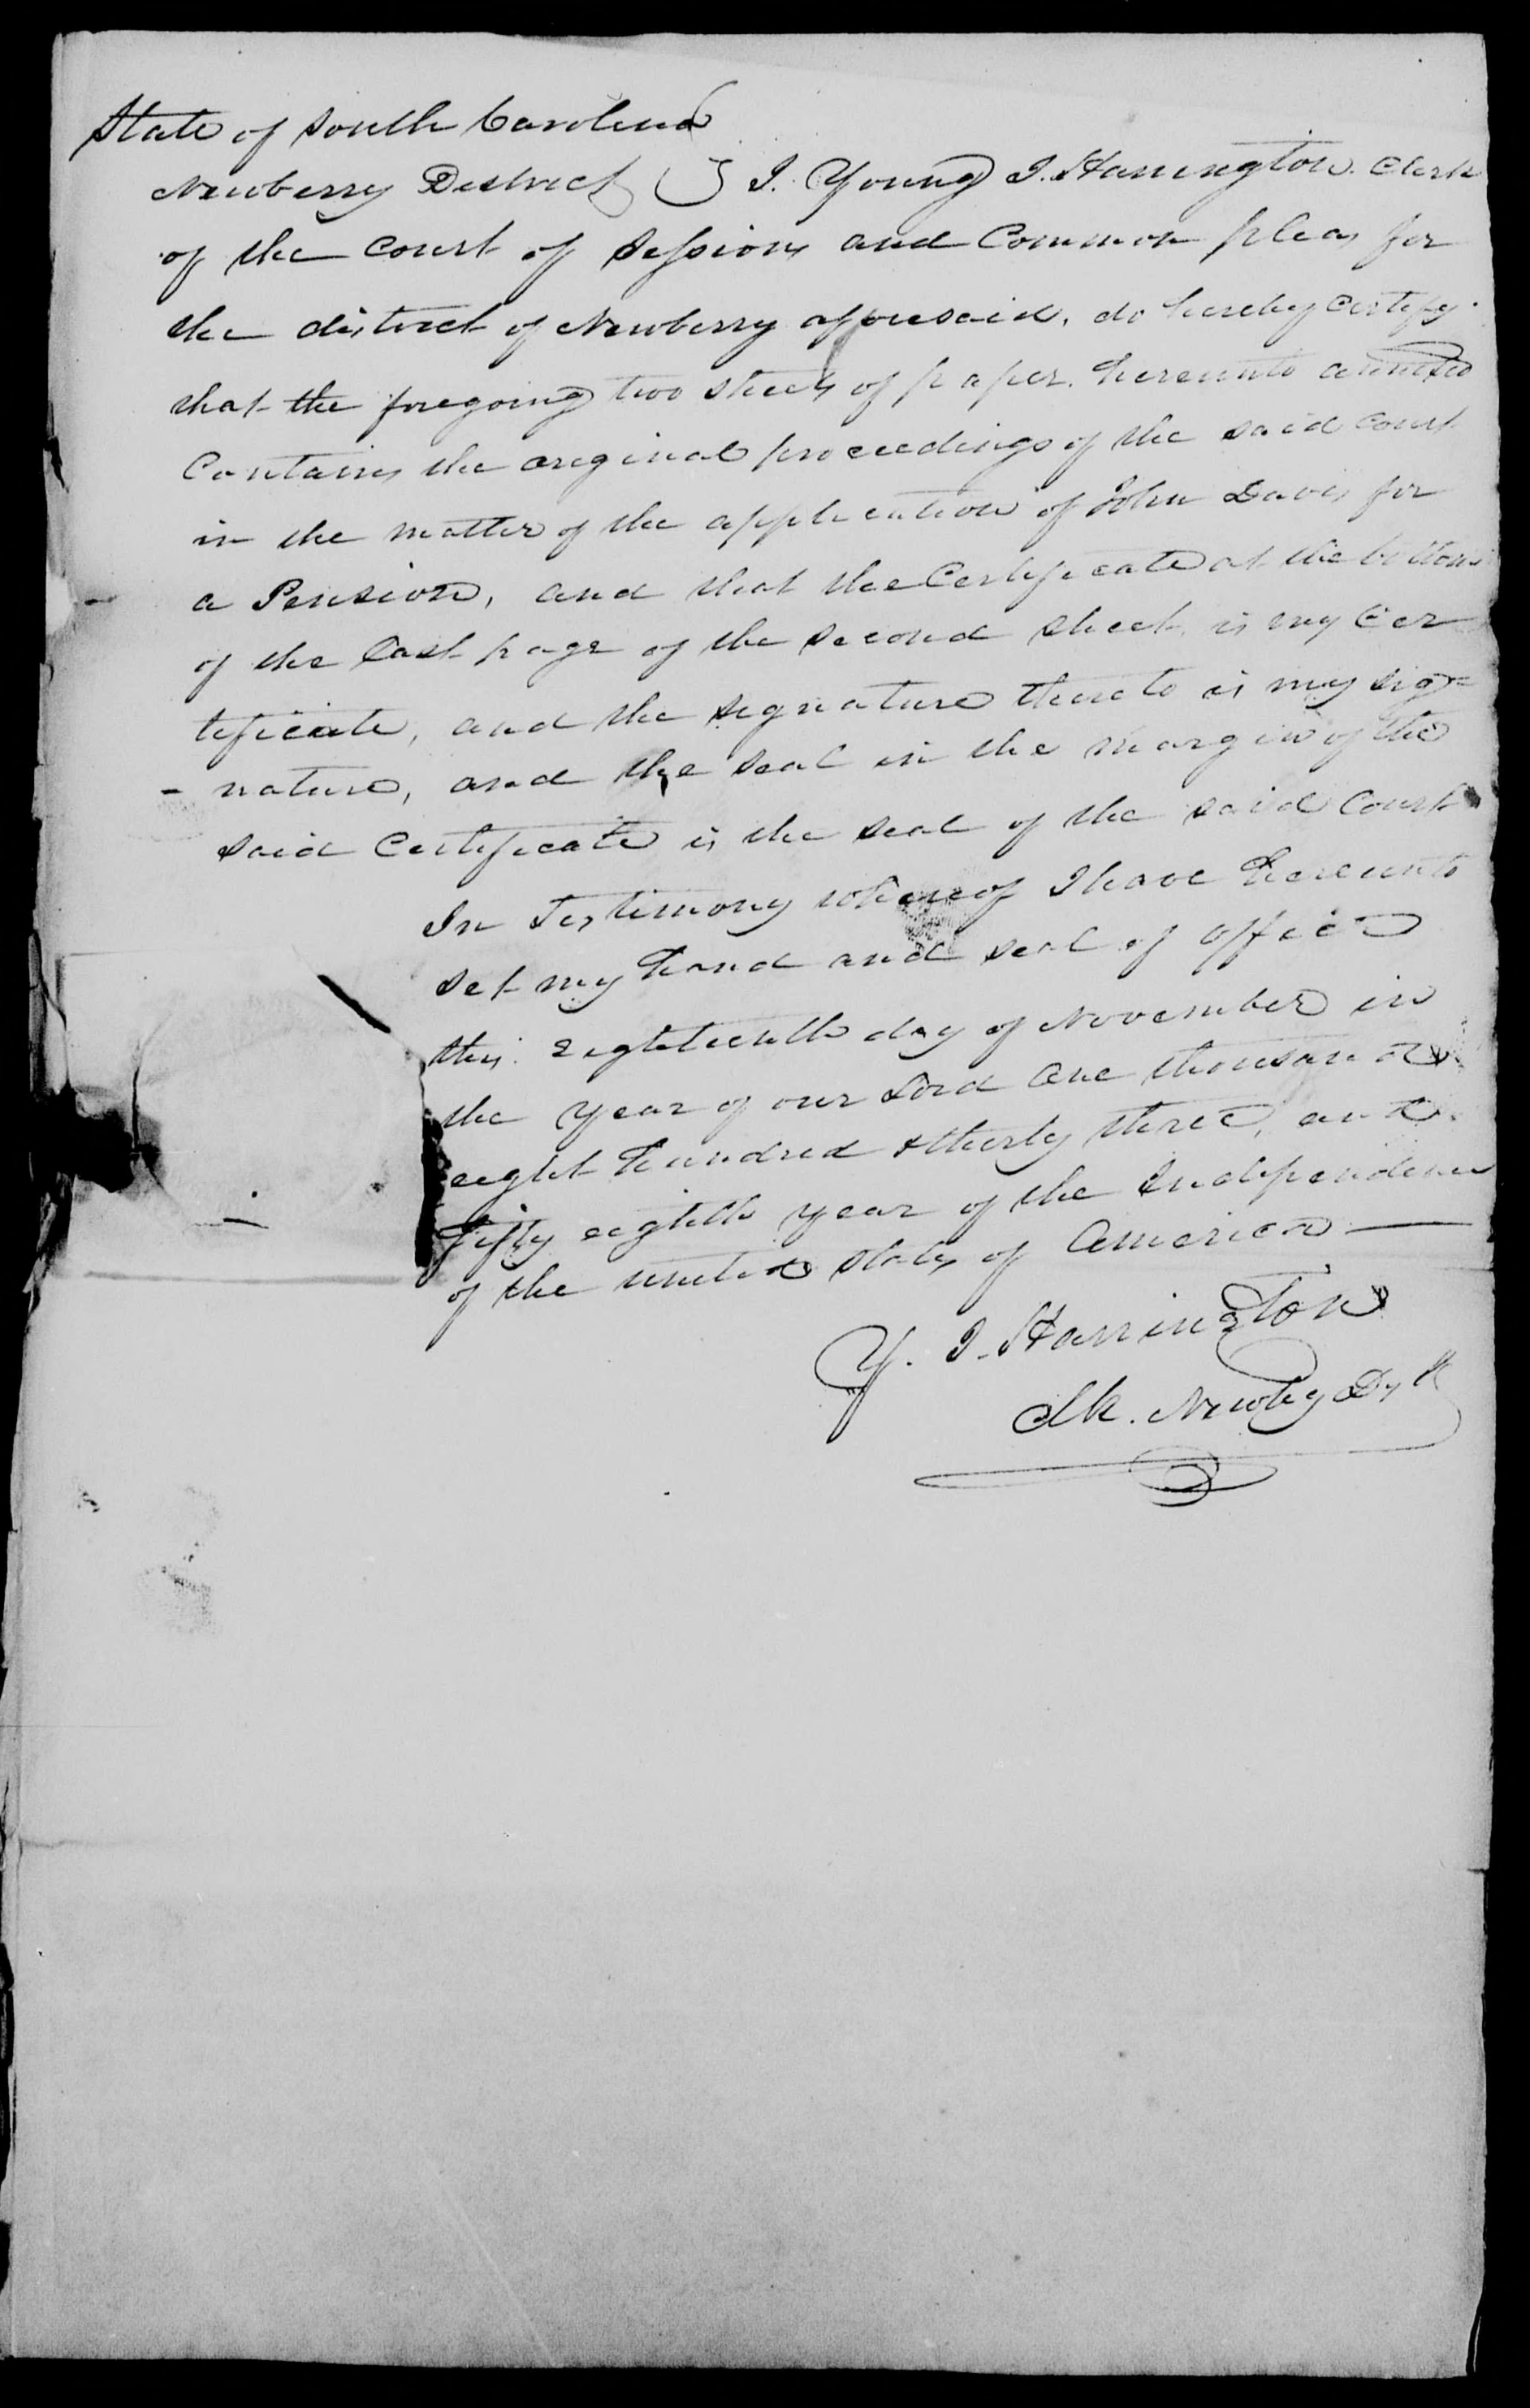State of South Carolina
Newberry District 
I, Young J Harrington Clerk of the Court of Sessions and Common pleas for the district of Newberry aforesaid, do hereby certify that the foregoing two sheets of paper hereunto annexed
contains the original proceedings of the said Court in the matter of the application of John Davis for a Pension, and that the certificate at the bottom of the last page of the second sheet is my certificate, and the signature thereto is my signature, and the seal in the margin of the said certificate is the seal of the said Court

In Testimony whereof I have hereunto set my hand and seal of office this Eighteenth day of November in the year of our Lord one thousand eight hundred & thirty three, and fifty eighth year of the independence of the United States of America
Y. J. Harrington
Clk Newberry Dist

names: John Davis, Y J Harrington, Young J Harrington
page: 13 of 13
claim: survivor's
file: S. 21,725, John Davis, S.C.